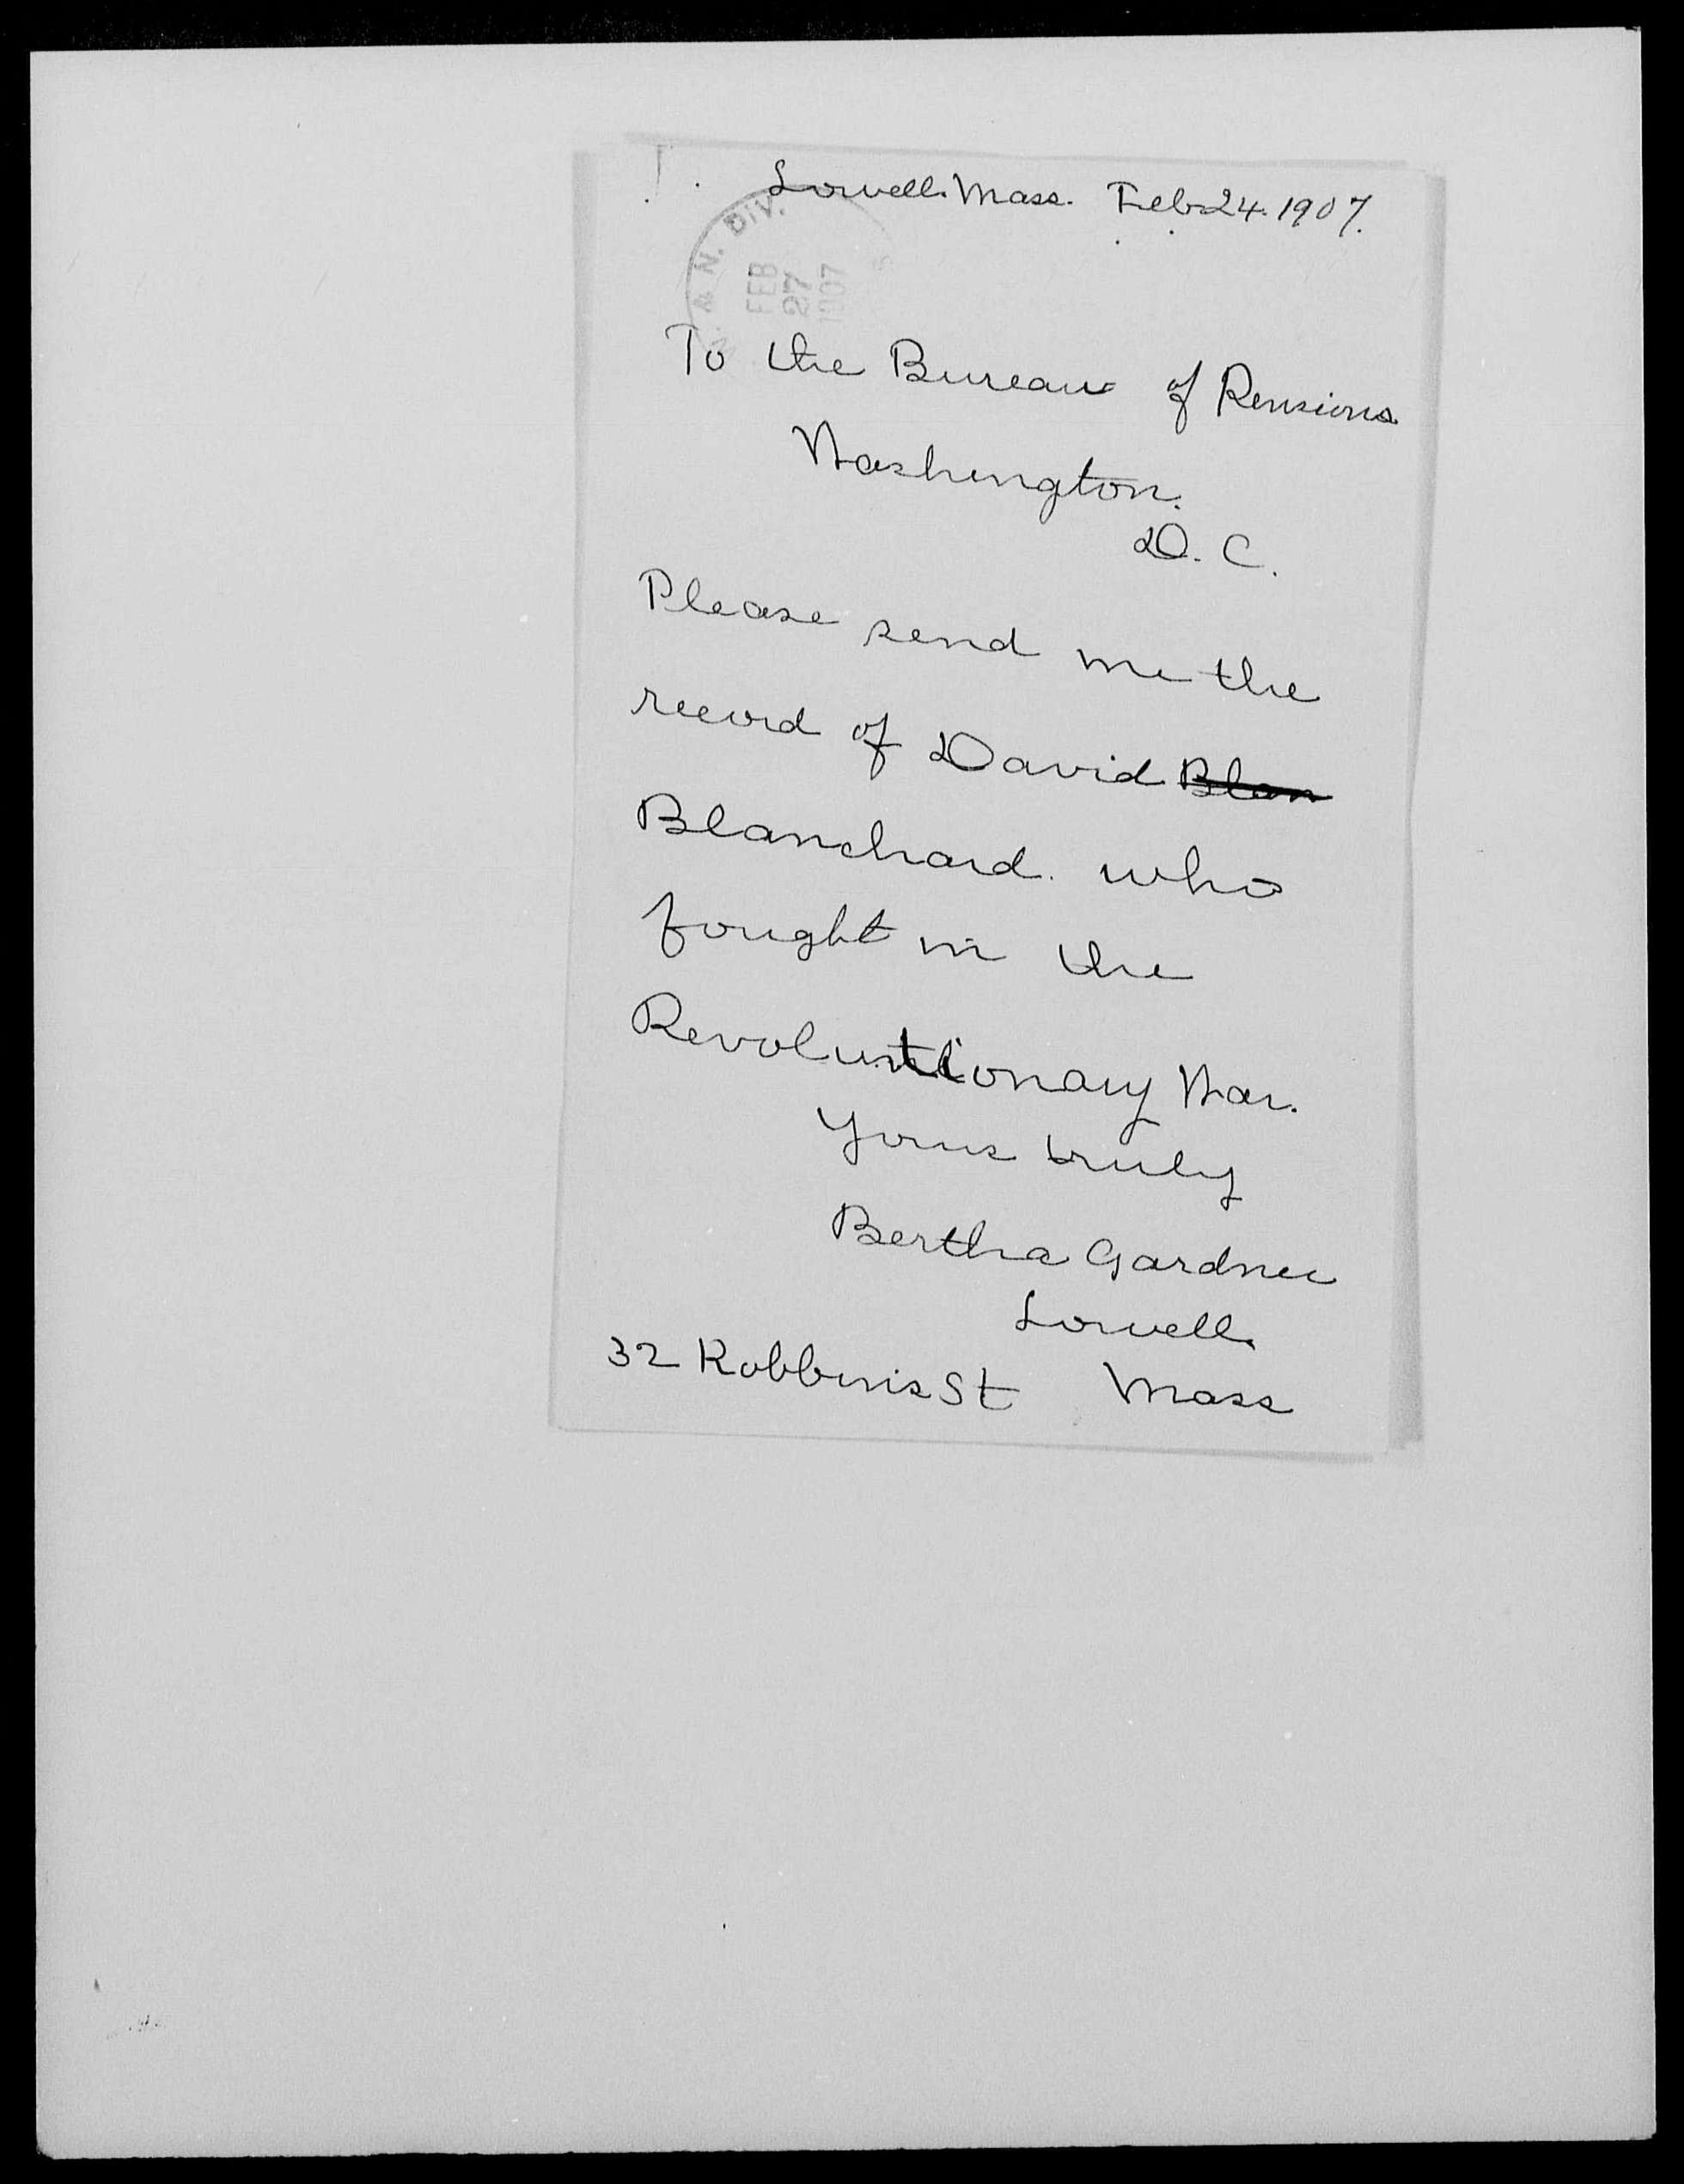Lowell Mass. Feb 24, 1907
To the Bureau of Pensions
Washington D. C.
Please send me the record of David [Blan - Crossed out] Blanchard who fought in the Revolutionary War.
Yours truly
Bertha Gardner
32 Robbins St
Lowell Mass

[stamp] W. & N. Div. Feb 27 1907 [illegible]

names: David Blanchard, Bertha Gardner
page: 16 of 23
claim: survivor's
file: S. 12237, David Blanchard, N. H.